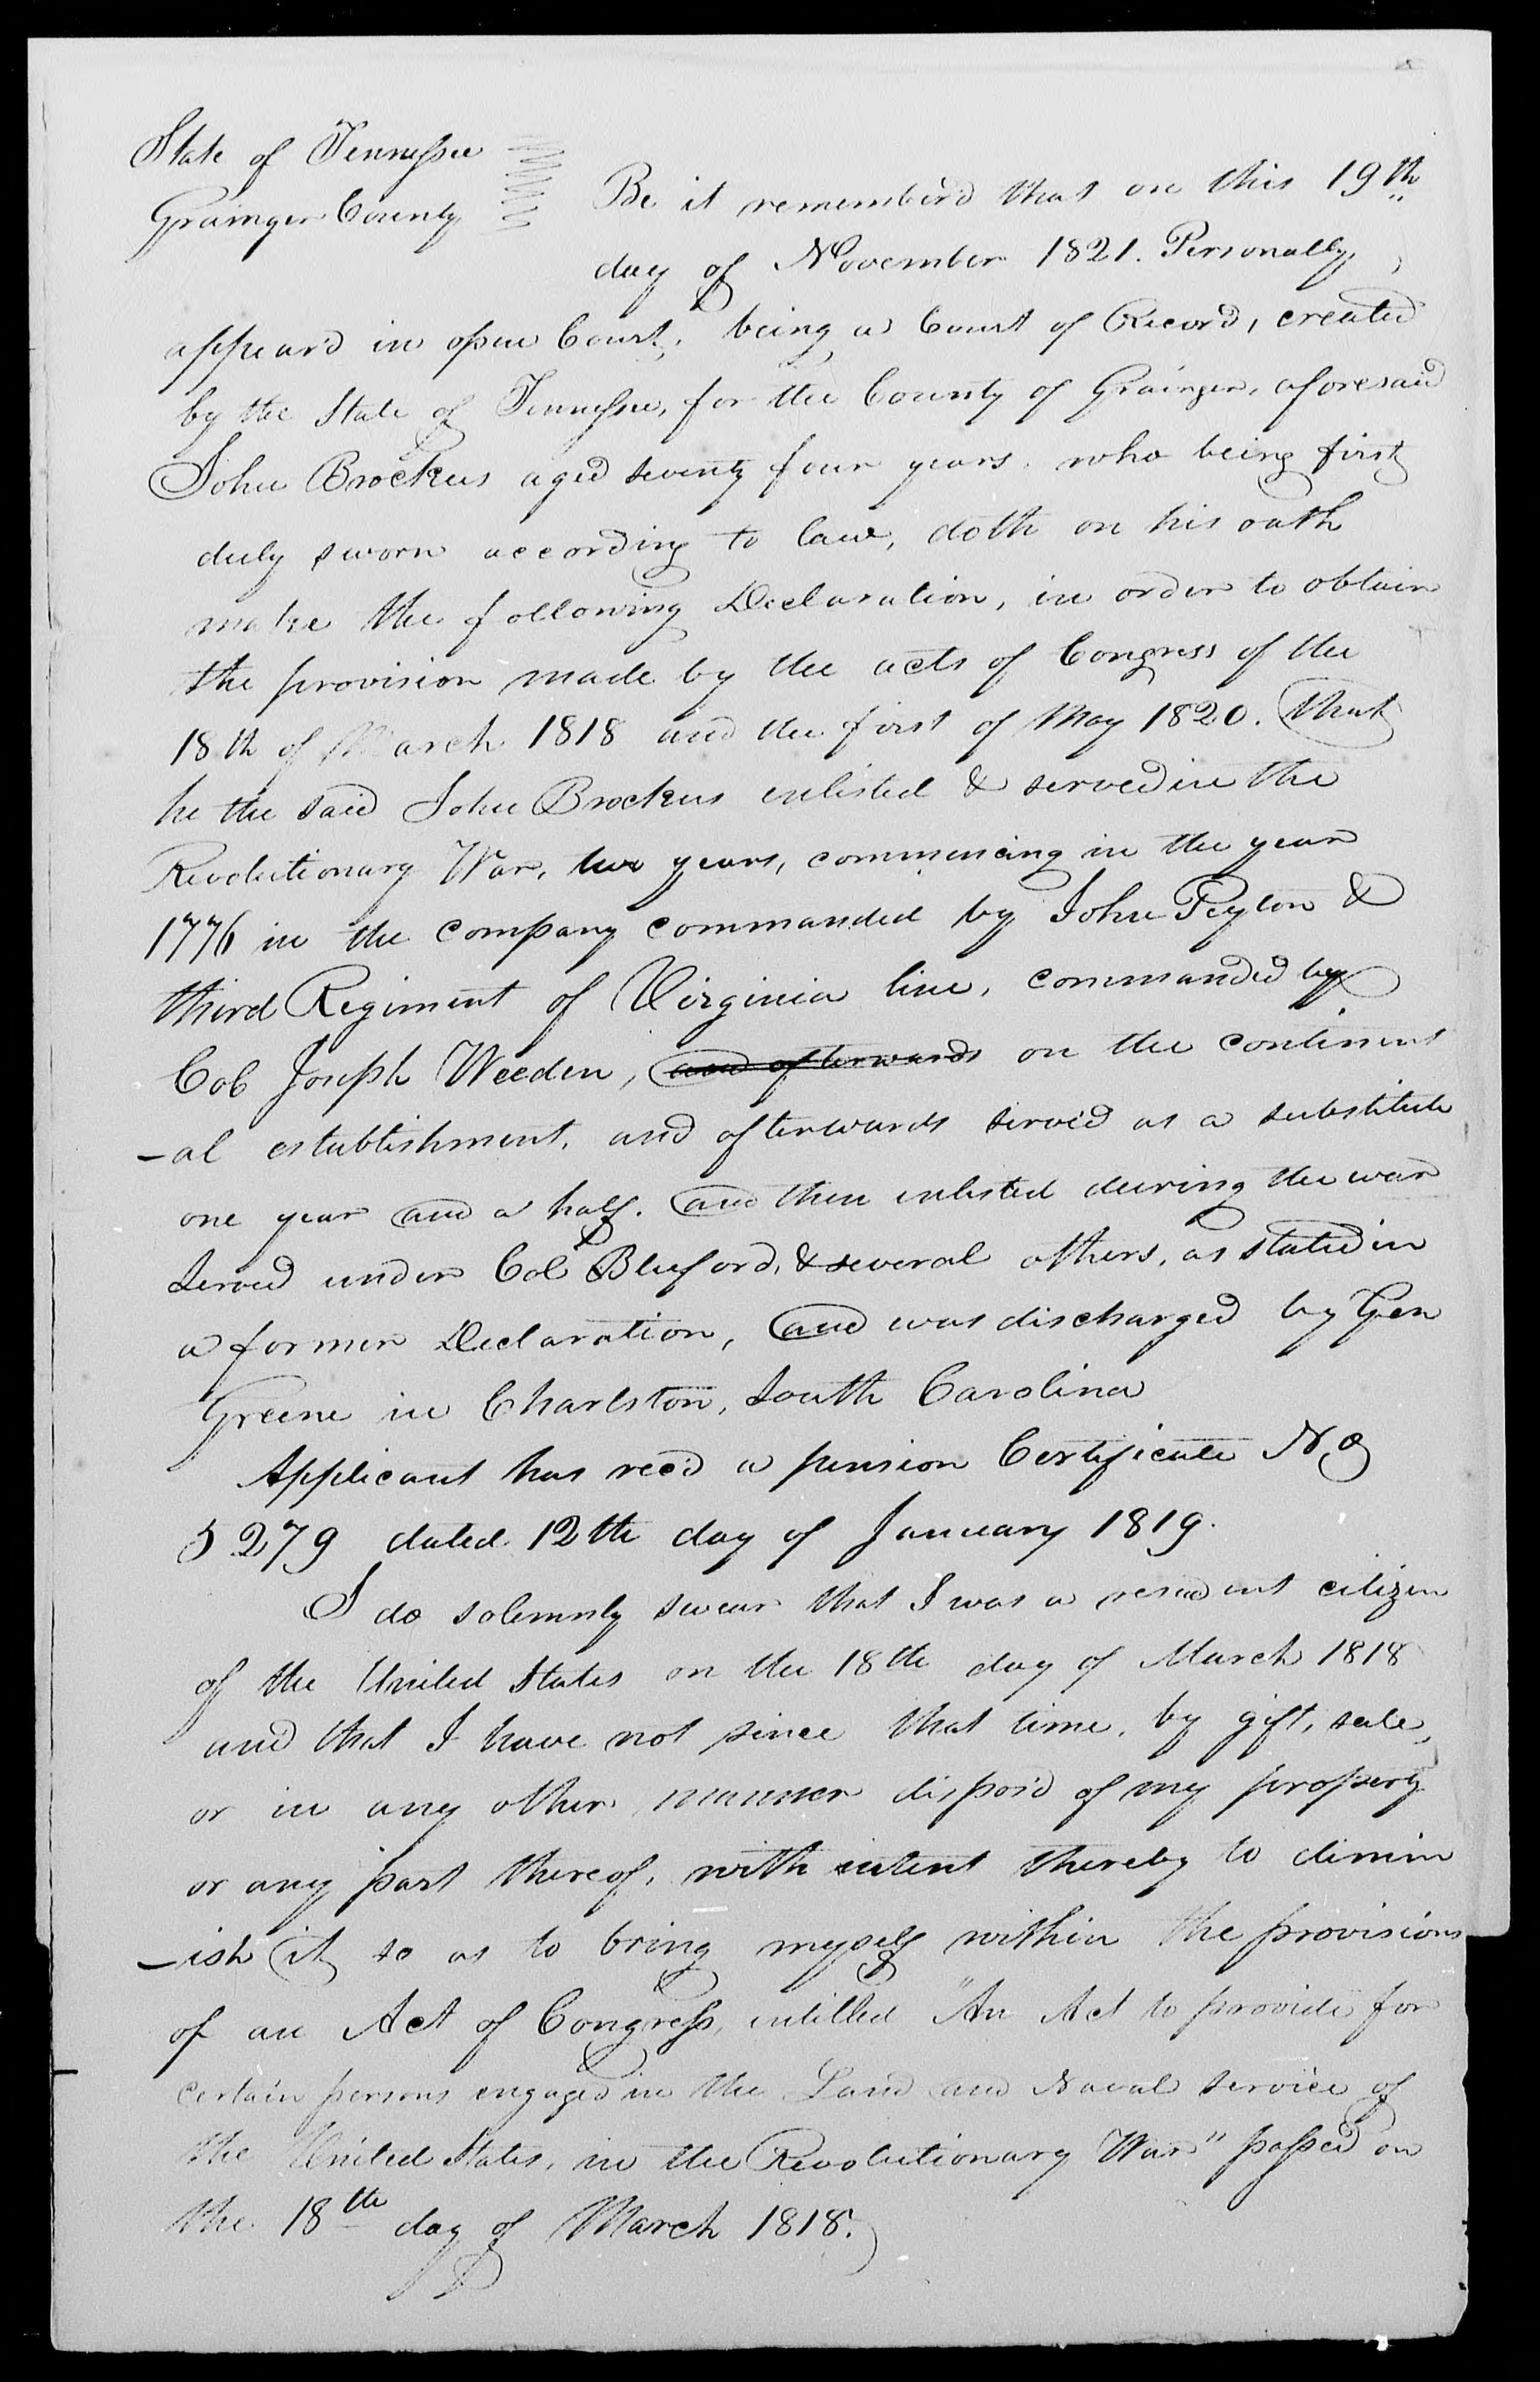State of Tennessee
Grainger County
Be it remembered that on this 19th day of November 1821. Personally appeared in open court, being as Court of Record, erected by the state of Tennessee, for the County of Grainger, aforesaid John Brockus aged seventy four years, who being first duly sworn according to Court, doth on his oath make thee of allowing Declaration, in order to obtain the provision made by the act of Congress of the 18th of March 1818 and the first of May 1820. That he the said John Brockus enlisted and served in the Revolutionary War, two years, commencing in the year 1776 in the company commanded by John Peyton & Third Regiment of Virginia line,  commanded by Col Joseph Weeden, on the continual - at establishment, and afterwards served on as [illegible] one year and a half and then enlisted during the war served under Col Bluford & several others, as stated in a former declaration, and was discharged by Gen Greene in Charleston, South Carolina
Applicant has need a pension certificate No 3.279 dated 12th day of January 1819.
I do solemnly swear that I was as [illegible] and citizen of the United States on the 18th day of March 1818 and that I have not [illegible] that time, by gift, sale or in any other manner disposed of my property  or any loan thereof, with [illegible] thereby to [illegible] as to bring myself within the provision of an Act of Congress entitled "An Act to provide for certain persons engaged in the Land and Naval Service of the United States, in the Revolutionary War " paper on the 18th day of March 1818.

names: John Peyton, John Brockus, Greene, Bluford, Joseph Weeden, John Brockus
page: 8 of 19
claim: survivor's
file: S. 39,224, John Brockus, Va.